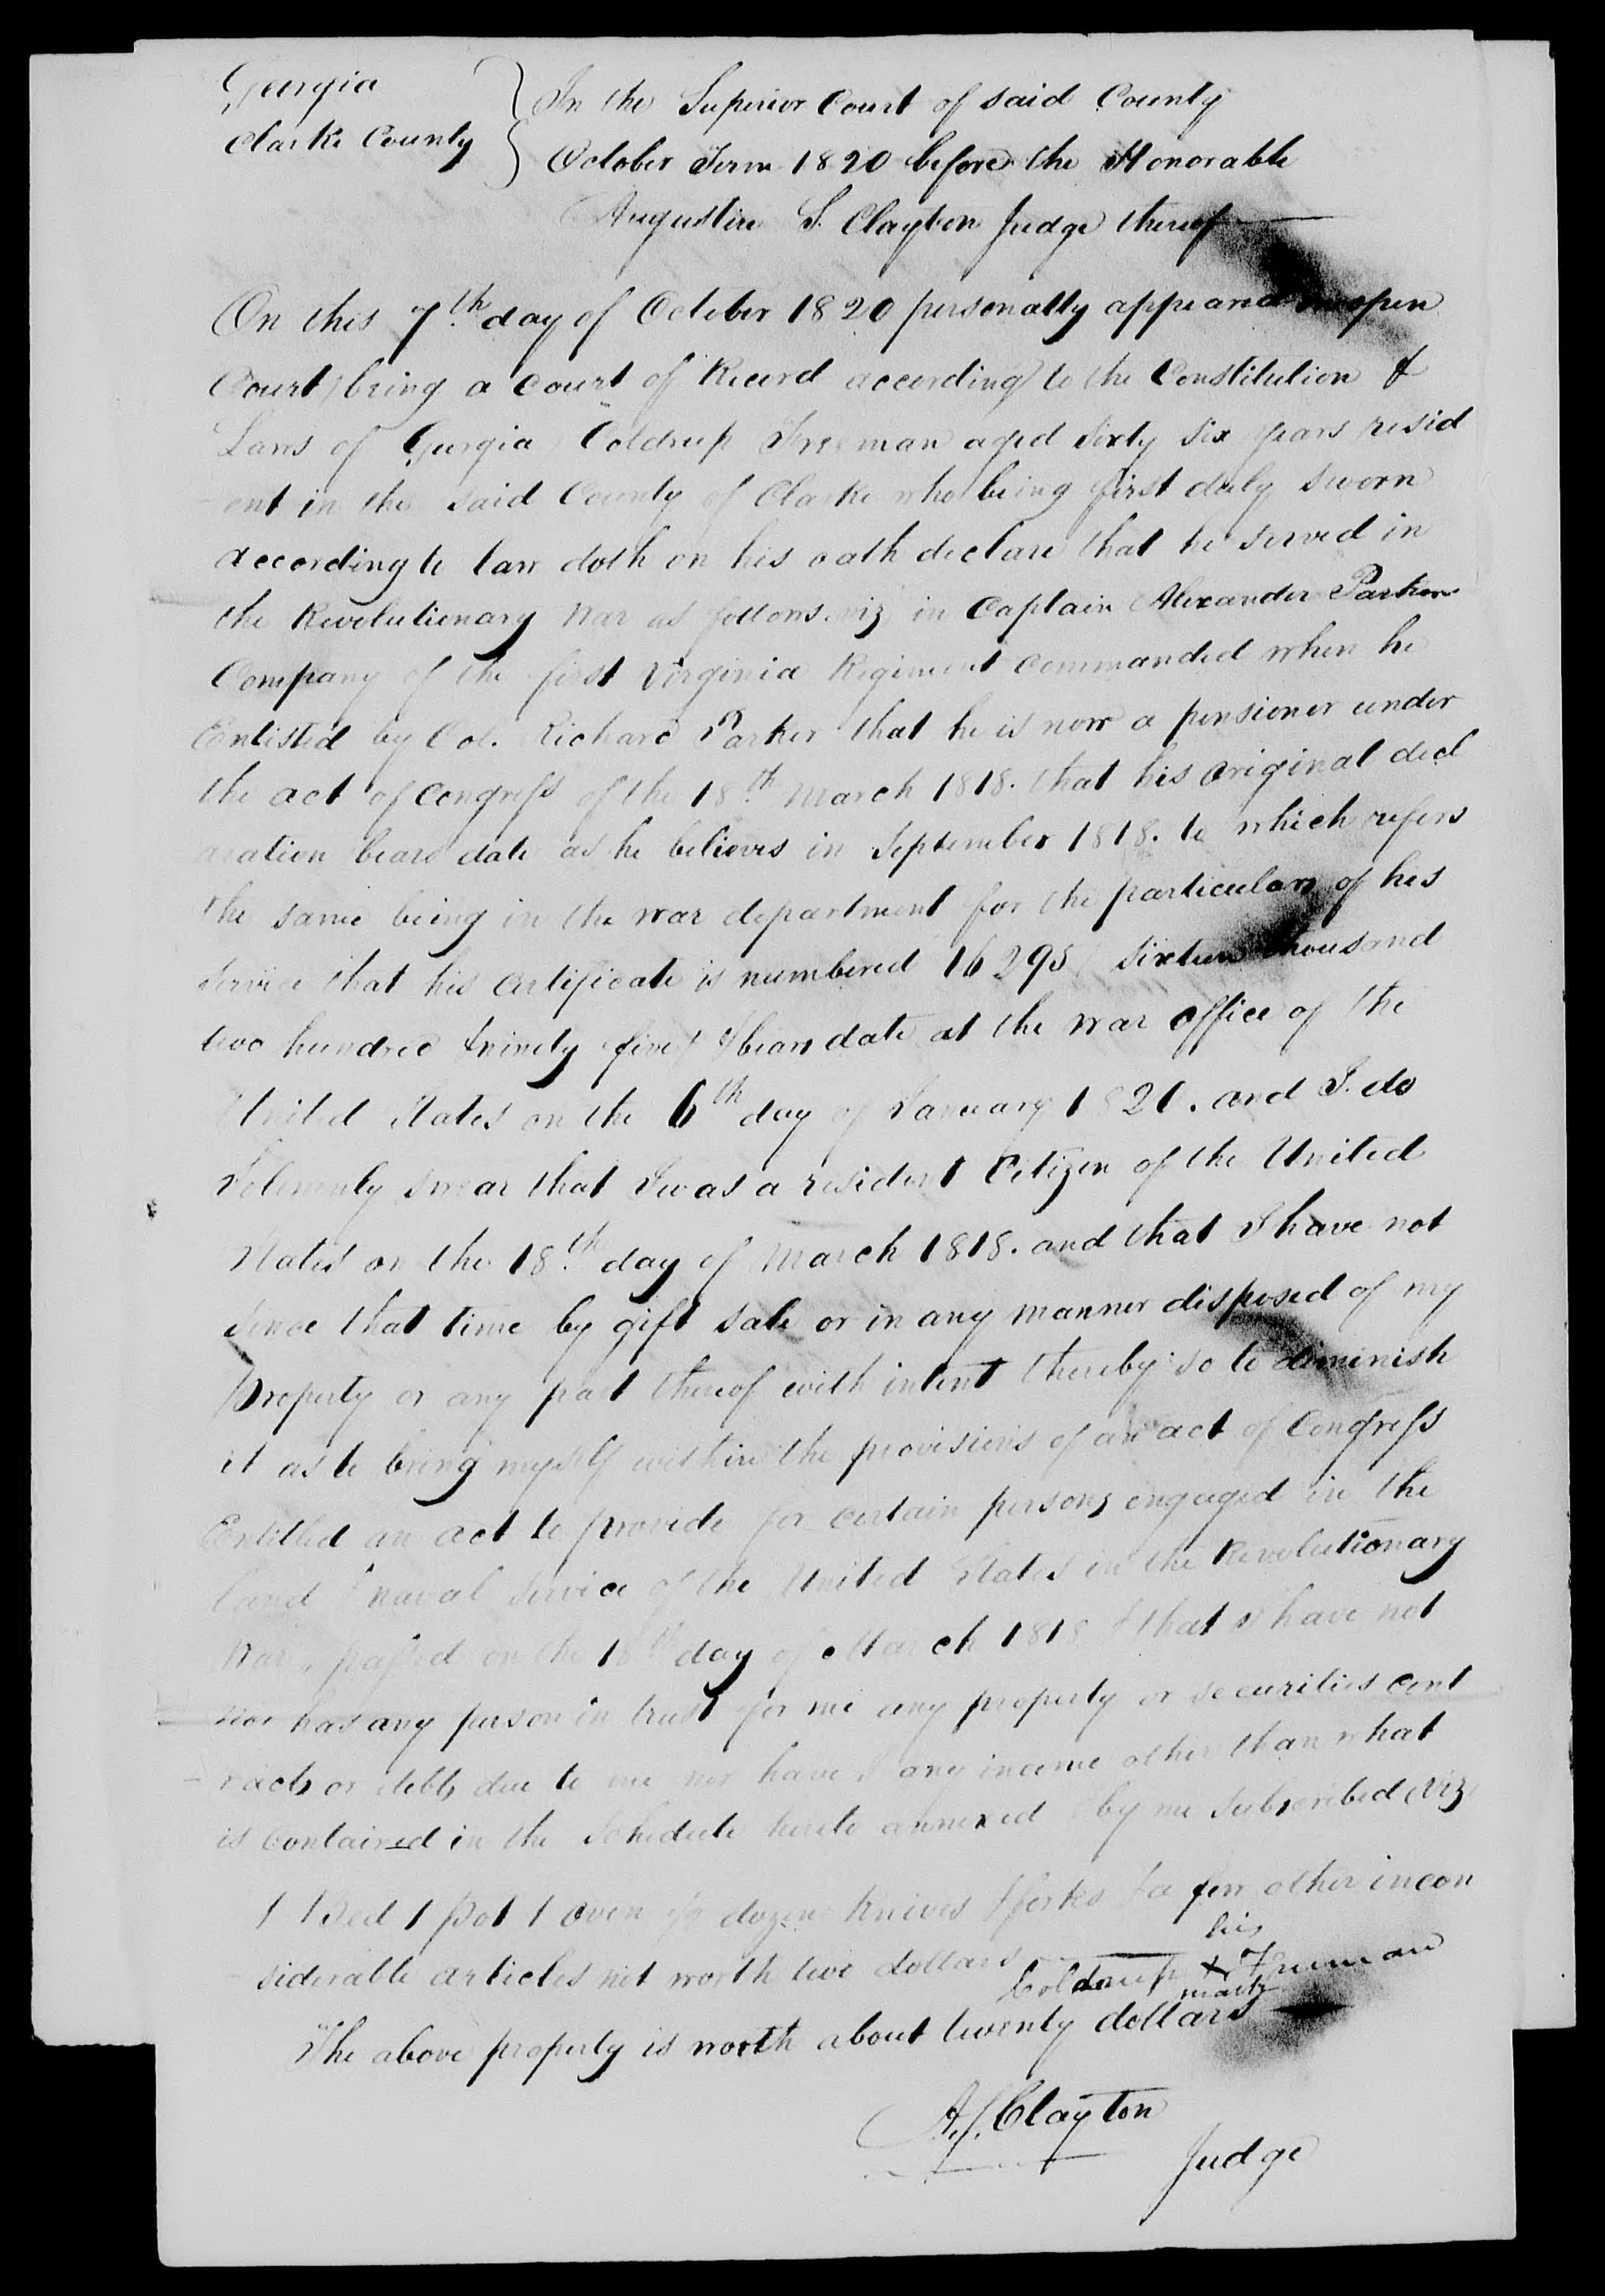Georgia
Clark County} In the Superior Court of said County October Term 1820 before the Honorable Augstine S. Clayton Judge thereof 
On this 7th day of October 1820 personally appeared in open court being a court of Record according to the Constitution & Laws of Georgia Coldrup Freeman aged Sixty Six years resided in the said county of Clarke who being first duly sworn according to law doth on his oath declare that he served in the Revolutionary War as follows  in Captain Alexander Parker Company of the first Virginia Regiment commanded when he Enlisted by Col Richard Parker that he is now a pensioner under the act of Congress of the 18th March 1818. that his original declaration bears date as he believes in September 1818. to which refers the same being in the war department for the particulars of his service that his certificate is number 16295 sixteen thousand two hundred ninety five bears date at the war office of the United States on the 6th day of January 1821. and I do Solomly swear that I was aresident citizen of the United States on the 18th day of March 1818. and that I have not Since that time by gift sale or in any manner disposed of my property or any part thereof with intent thereby so to diminish it as being [illegible] of within the provisiens of an act of Congress Enlisted an act to provide for certain persons engaged in the land naval service of the United States in the Revolutionary War passed on the 18th day of March 1818 that I have not nor has any person in [illegible] for me any property or securities contracts or debts due to me nor have any increase other than what is contained in the Schedule hereto annexed by me subscribed  

I Bed 1 pot 1 oven dozen knives forks [illegible] other inconsiderable articles not worth five dollars
 The above property is worth about twenty dollars
Coldrup X Freeman his mark 

A. S. Clayton Judge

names: Augustin S Clayton, Coldrup Freeman, Coldrup Freeman, Richard Parker, A S Clayton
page: 9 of 15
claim: survivor's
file: S. 37,941, Coldrup Freeman, Va.